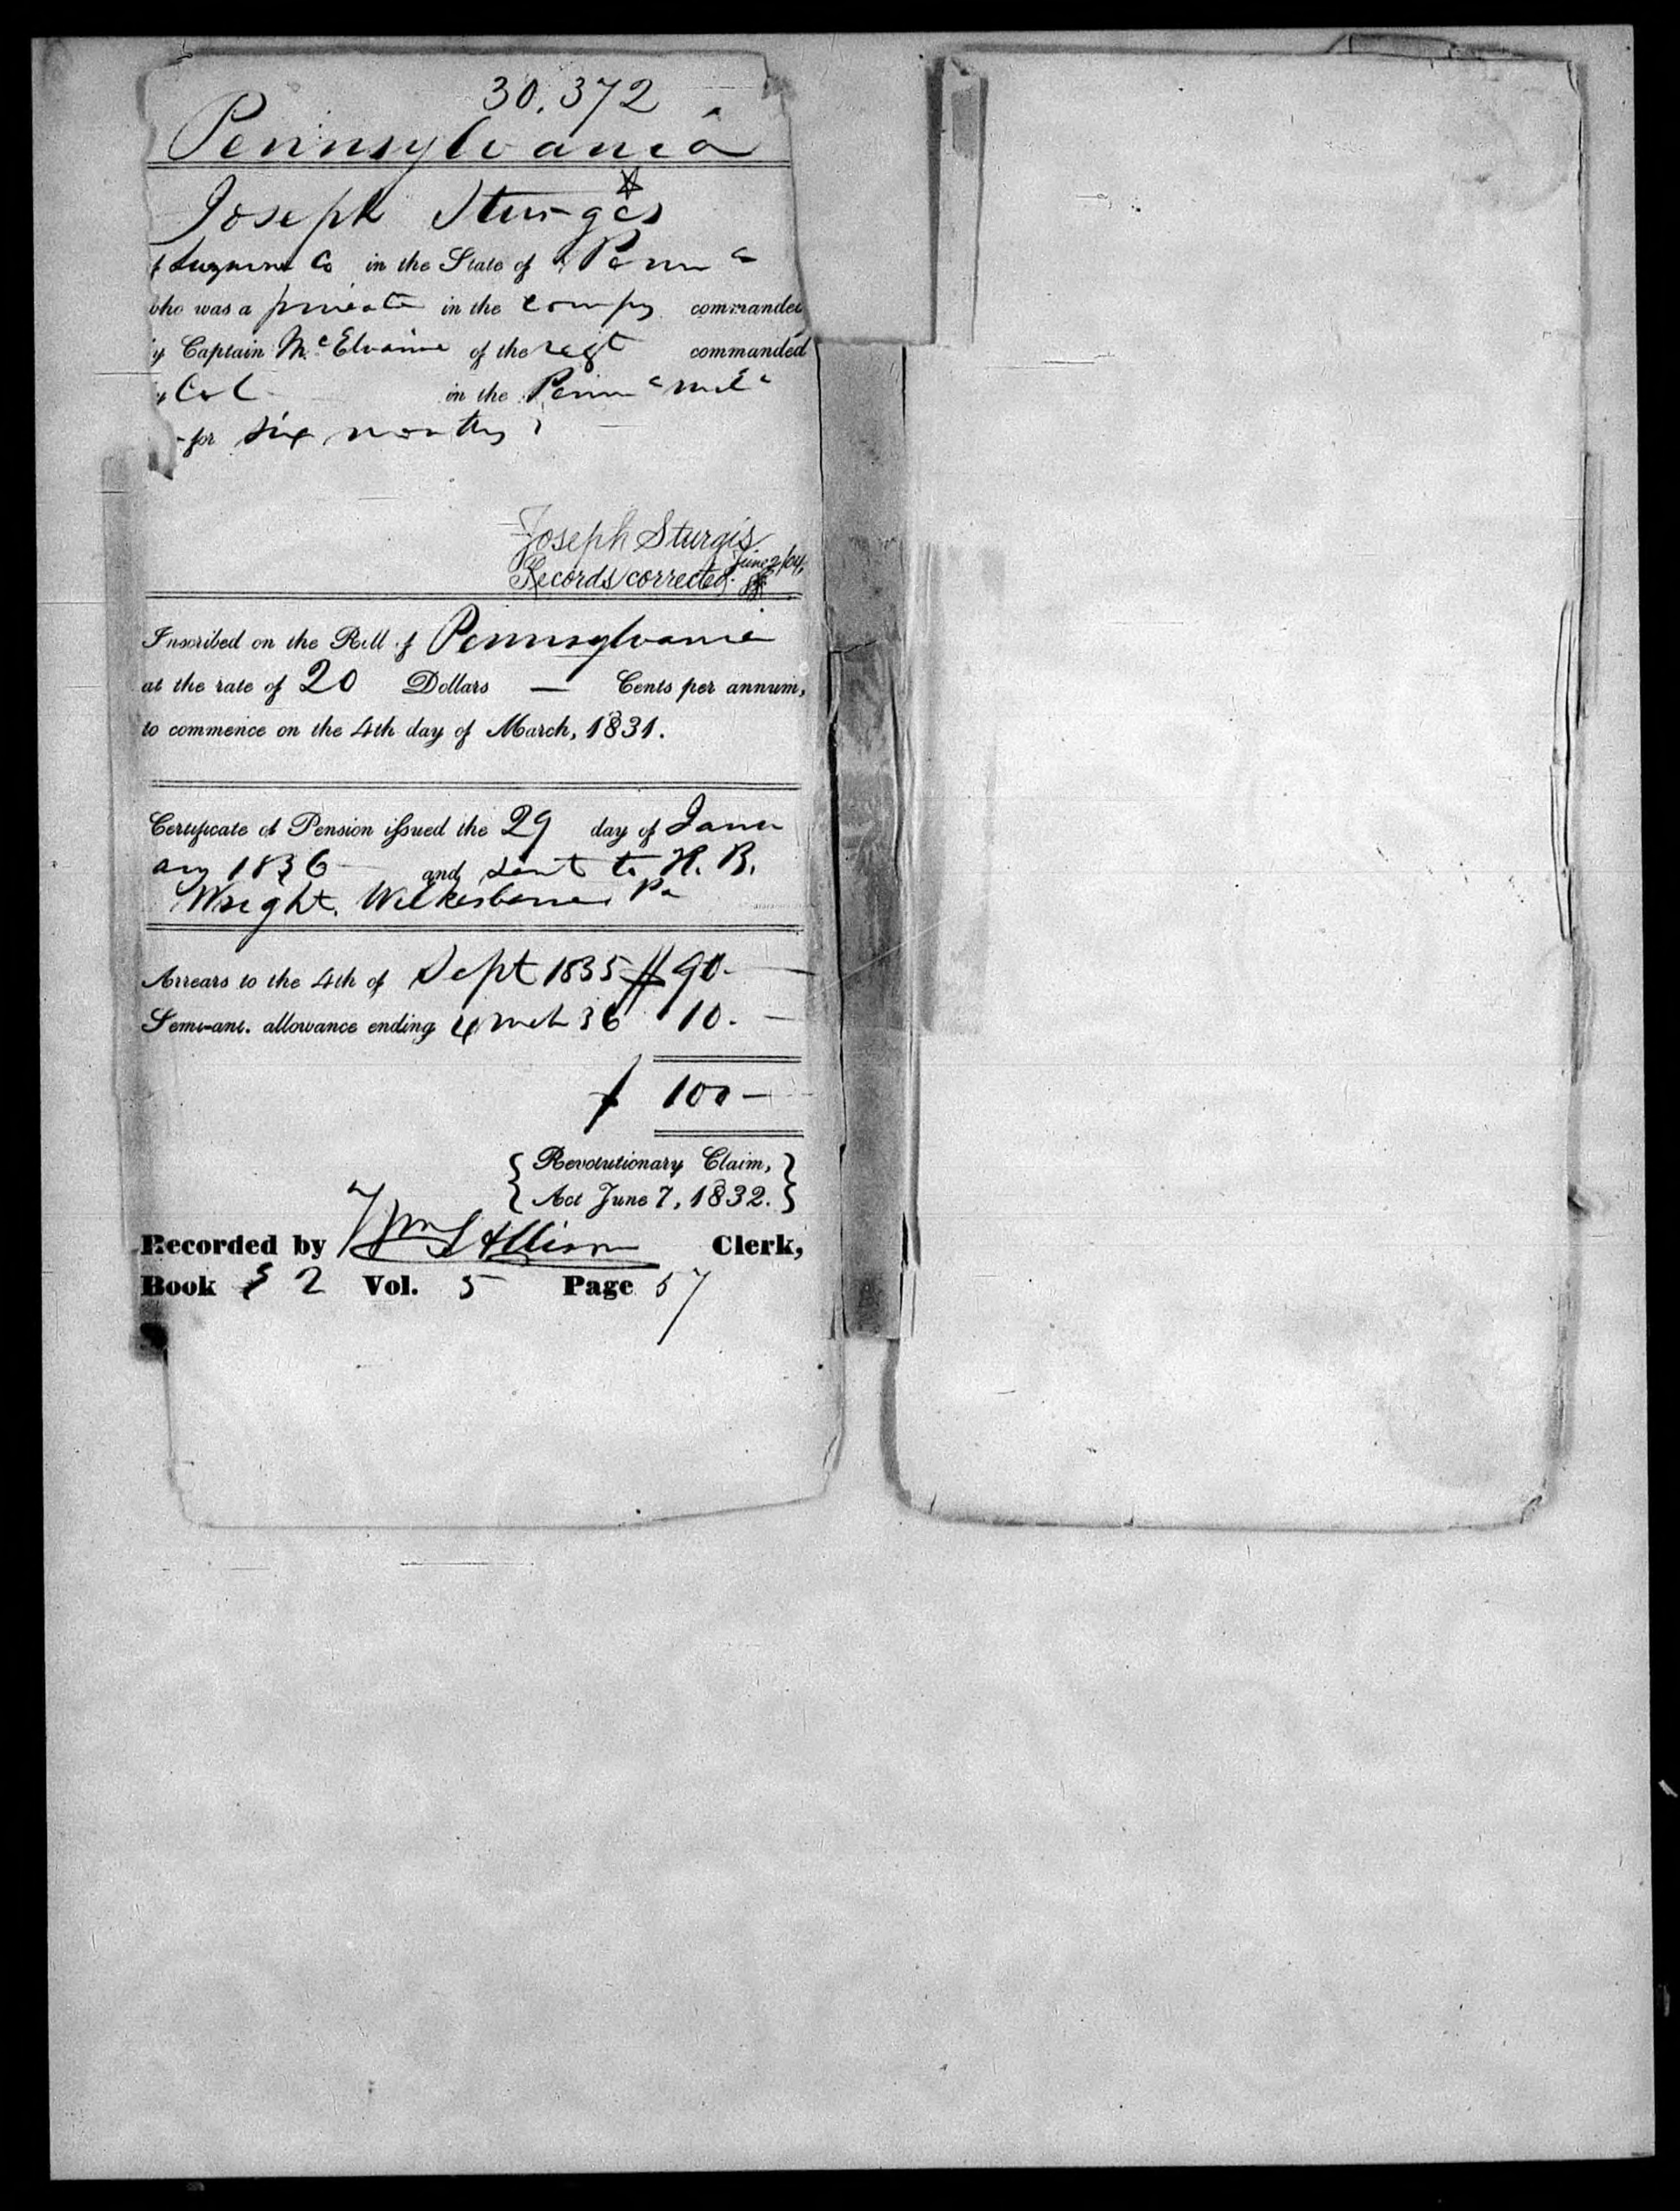30. 372         
Pennsylvania    
Joseph Sturges of Luzerne Co in the State of Penn’a who was a private in the Compy commanded Captain McElvaine of the regt commanded Col in the Penn’a Mil’a for six months Joseph Sturgis   
Records corrected          
Inscribed on the Roll of Pennsylvania at the rate of 20 Dollars - Cents per annum, to commence on the 4th day of March, 1831.           
Certificate of Pension issued the 29 day of January 1836 and sent to N.B. Wright Wilkesboro - Arrears to the 4th of Sept 1835 $90              
Semi-anl. allowance ending 4 Mch 36   10
$ 100 –
{Revolutionary Claim, Act June 7, 1832} 
Recorded by Wm T. Allison Clerk  
Book S2.  Vol. 5   Page 57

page: 2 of 31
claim: survivor's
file: S. 6154, for Joseph Sturgis, Pennsylvania